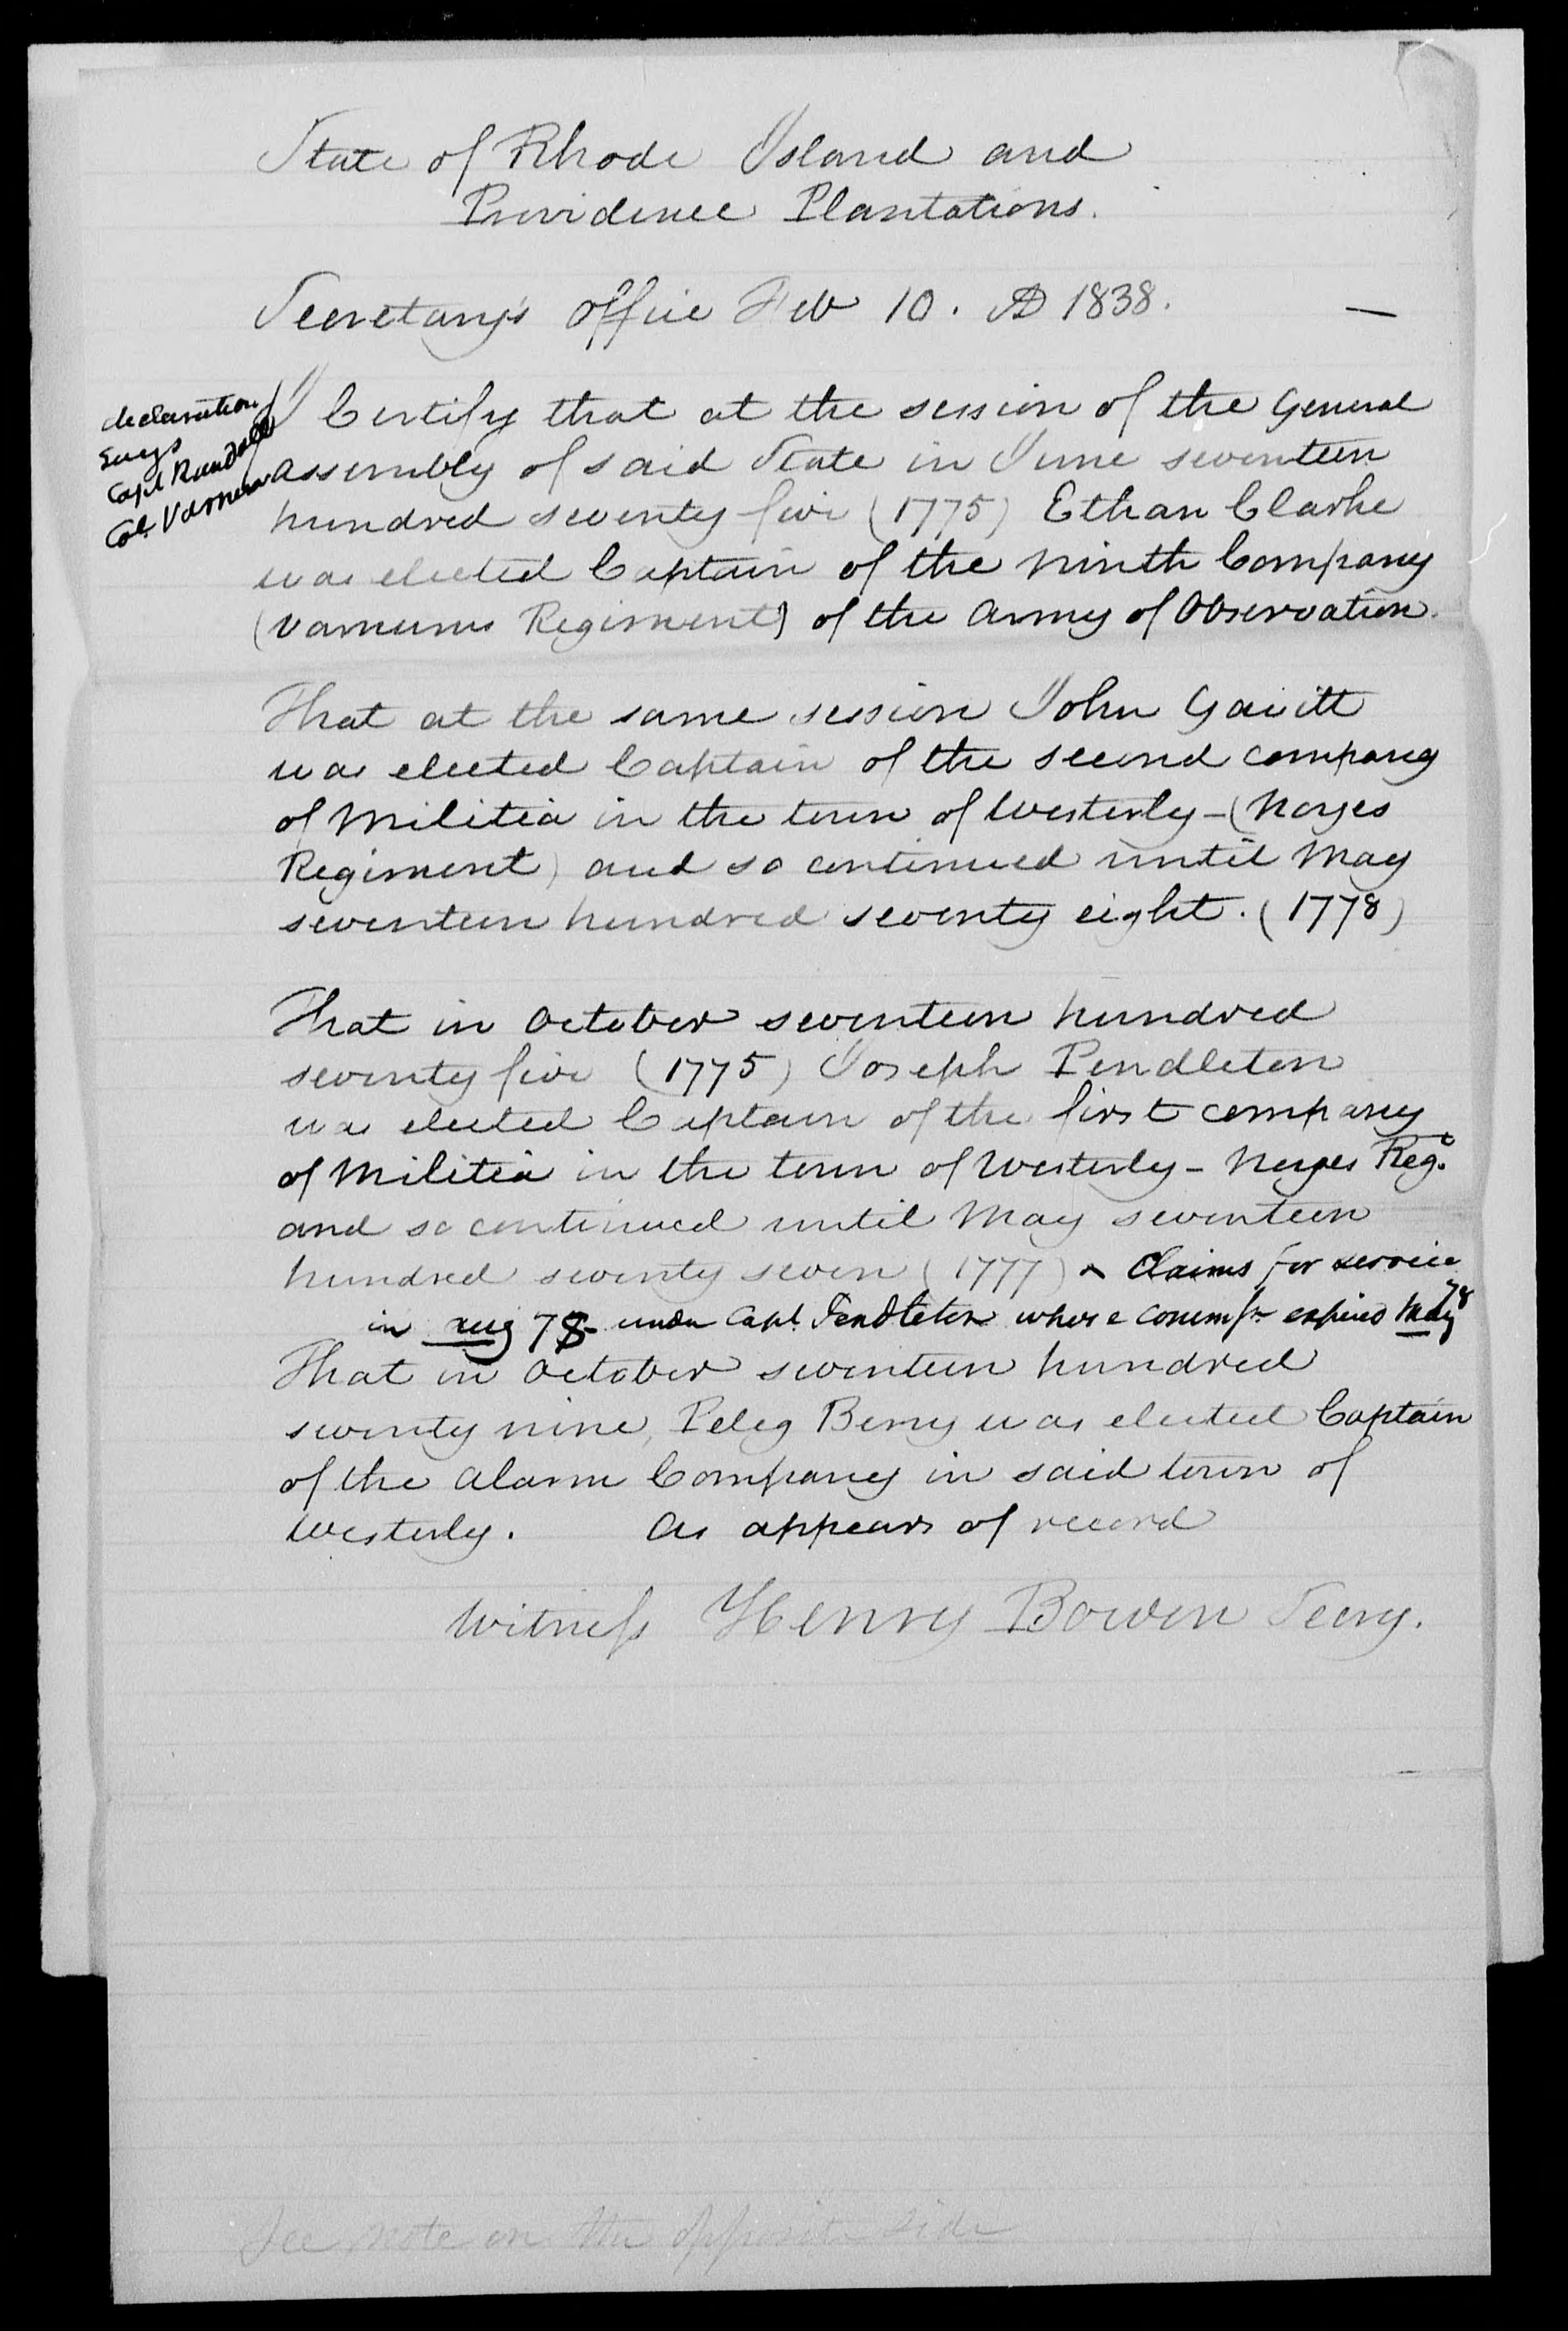State of Rhode Island and Providence Plantations
Secretary's Office Feb 10 AD 1838
declaration says Capt Randall Col Varnum

I certify that at the session of the General assembly of said state in June seventeen hundred seventy five (1775) Ethan Clarke was elected Captain of the ninth company (Varnum Regiment) of the Army of Observation.
That at the same session John Gavitt was elected Captain of the second company of Militia in the town of Westerly (Noyes Regiment) and so continued until May seventeen hundred seventy eight (1778).
That in October seventeen hundred seventy five (1775) Joseph Pendleton was elected Captain of the first company of militia in the town of Westerly - Noyes Regt. and so continued until May seventeen hundred seventy seven (1777). Claims for service in Aug 78 under Capt Pendleton whose [illegible] expired May 78.
That in October seventeen hundred seventy nine, Peleg Berry was elected Captain of the alarm company in said town of Westerly. As appears of record.
Witness Henry Bowen Secry.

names: Peleg Berry, John Gavitt, Henry Bowen, Joseph Pendleton, Ethan Clarke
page: 26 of 48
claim: widow's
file: W. 17,628, Arnold Clarke, R.I.